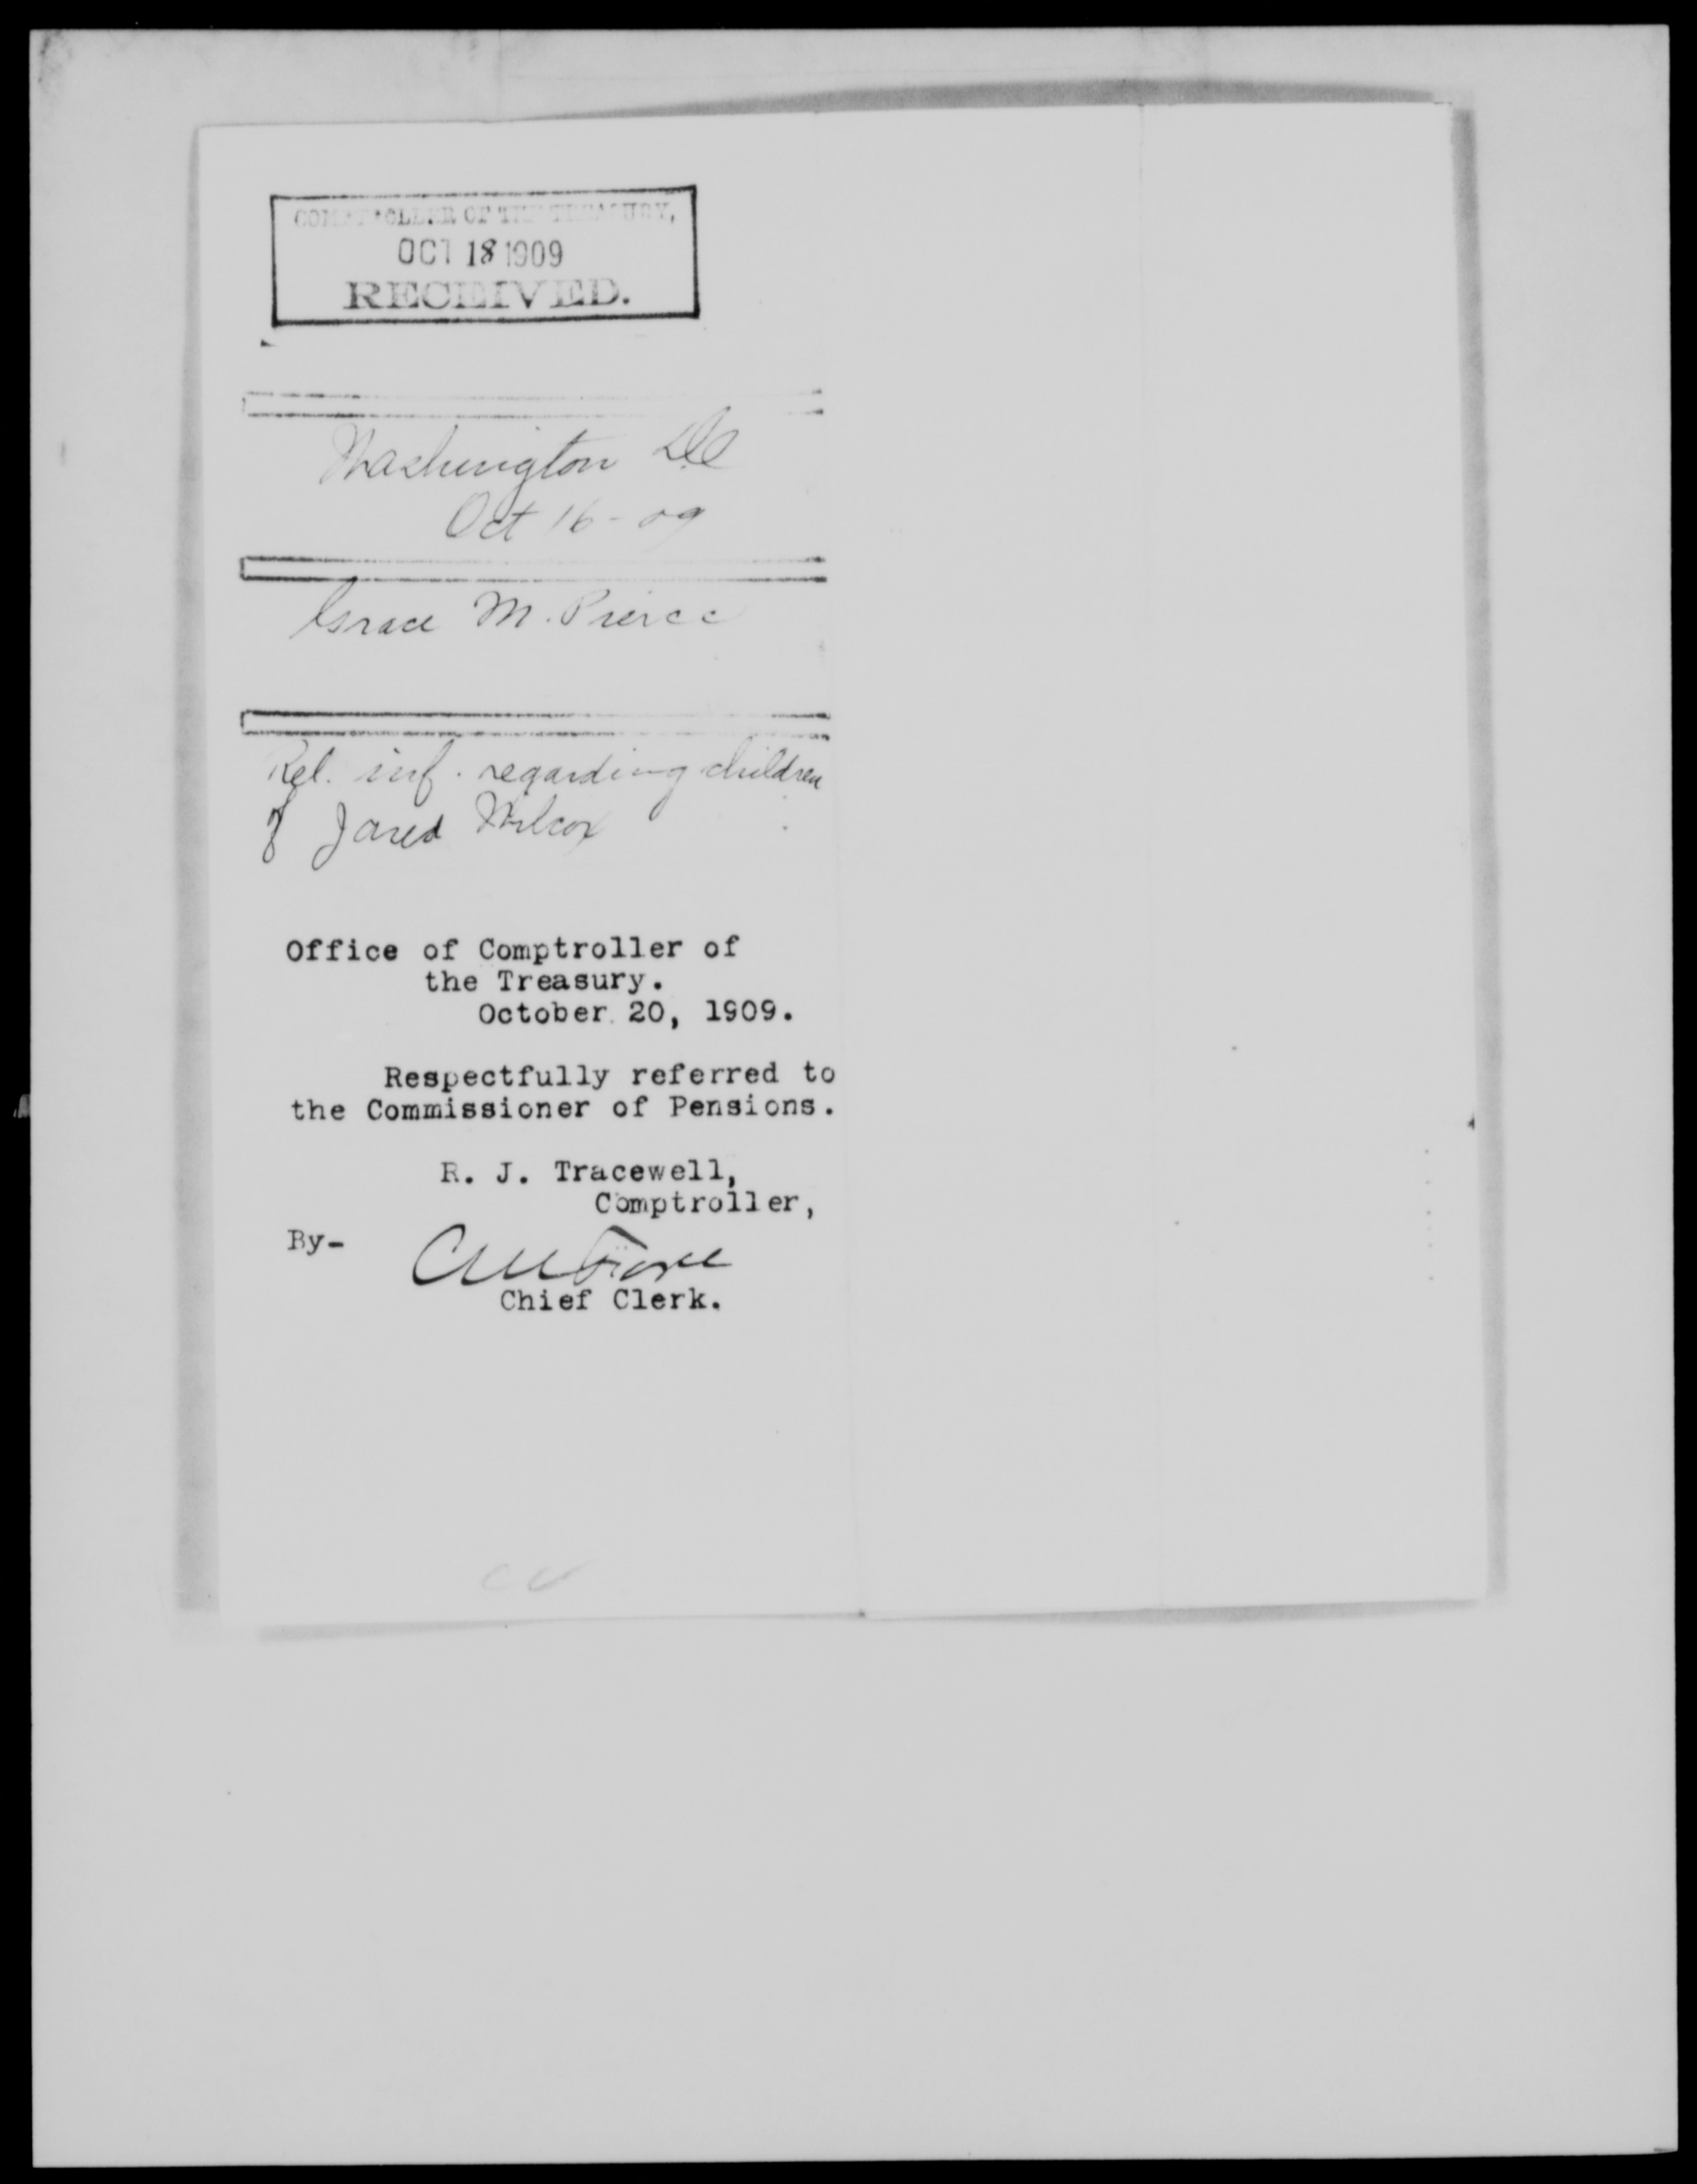[STAMP - in Rectangle]

COMPTROLLER OF THE TREASURY,
OCT 18 1909
RECEIVED.

Washington DC
Oct 16 - 09

Grace M. Pierce

Rel. inf. regarding children
of Jared Wilcox

Office of Comptroller of
the Treasury.
October 20, 1909.

Respectfully referred to
the Commissioner of Pensions.

R. J. Tracewell, 
Comptroller,

By -
C M Fore (signature)
Chief Clerk.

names: C M Fore, Grace M Pierce, R J Tracewell, Jared Wilcox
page: 20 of 34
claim: survivor's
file: S. 41337, Jared Wilcox, Continental Mass.